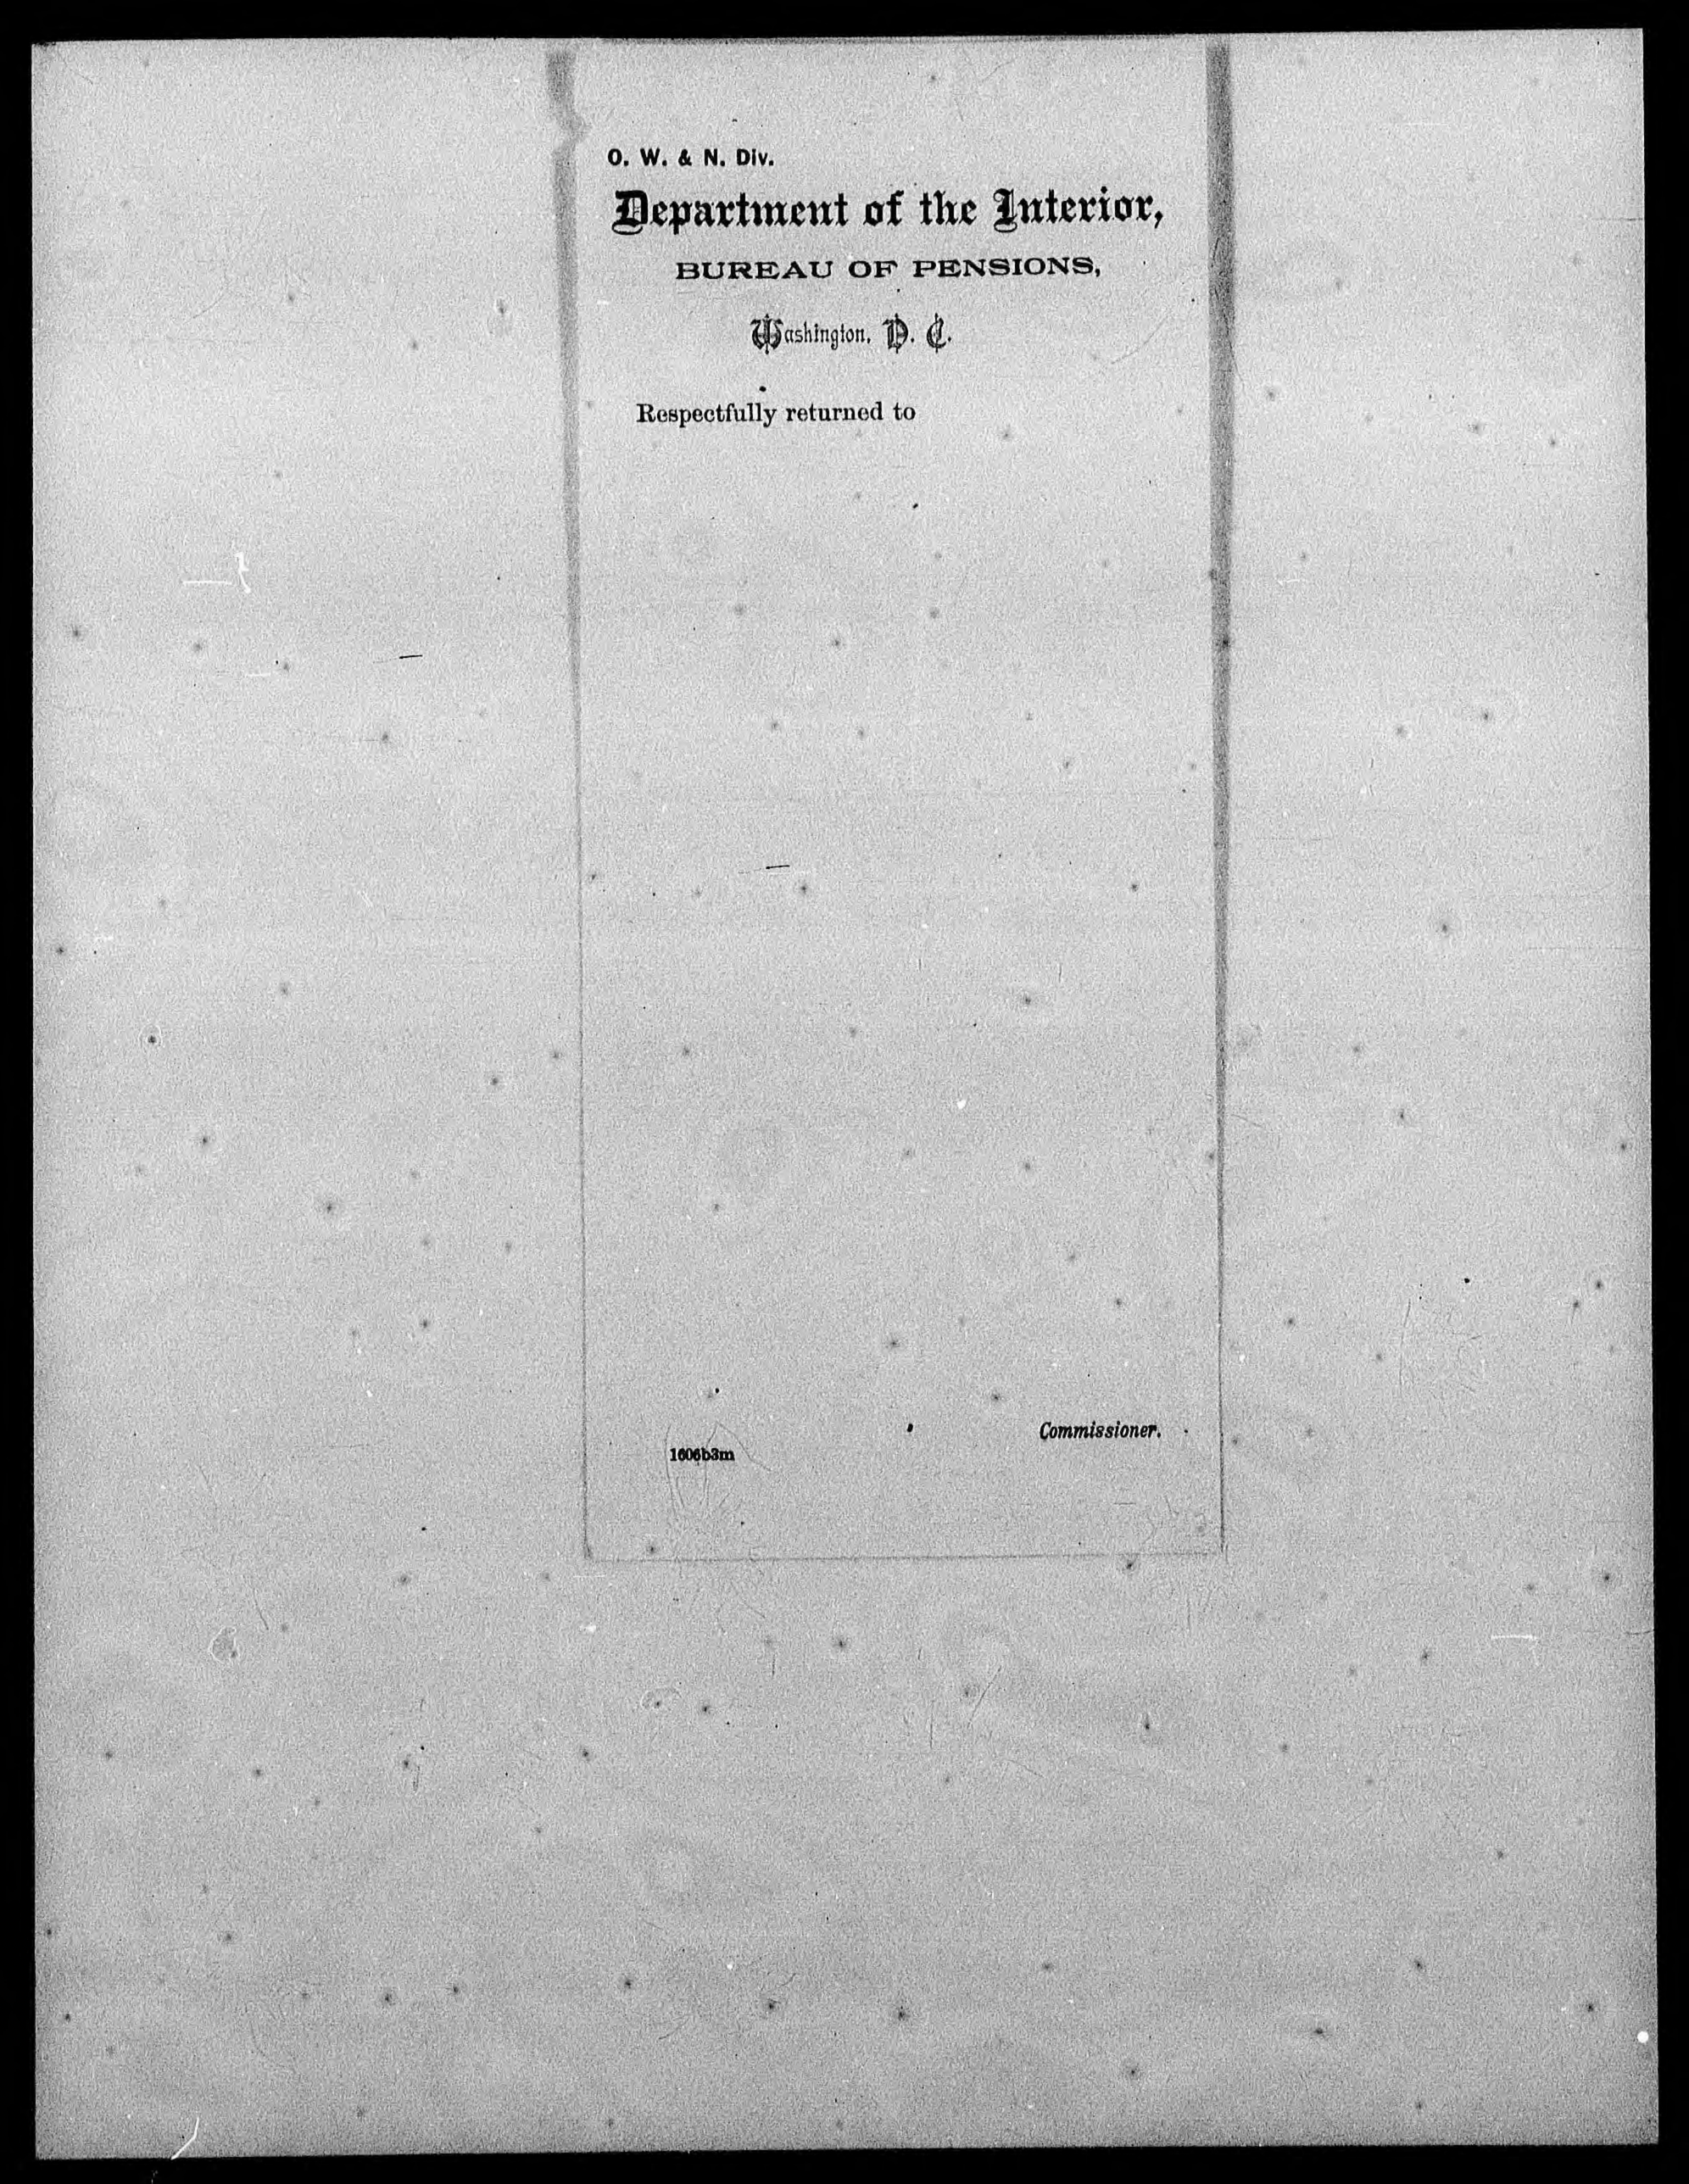O. W. & N. Div.
Department of the Interior
BUREAU OF PENSIONS
Washington, D. C. 
Respectfully returned to
Commissioner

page: 17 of 21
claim: survivor's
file: S. 36676, for Benjamin Kelsey, Connecticut